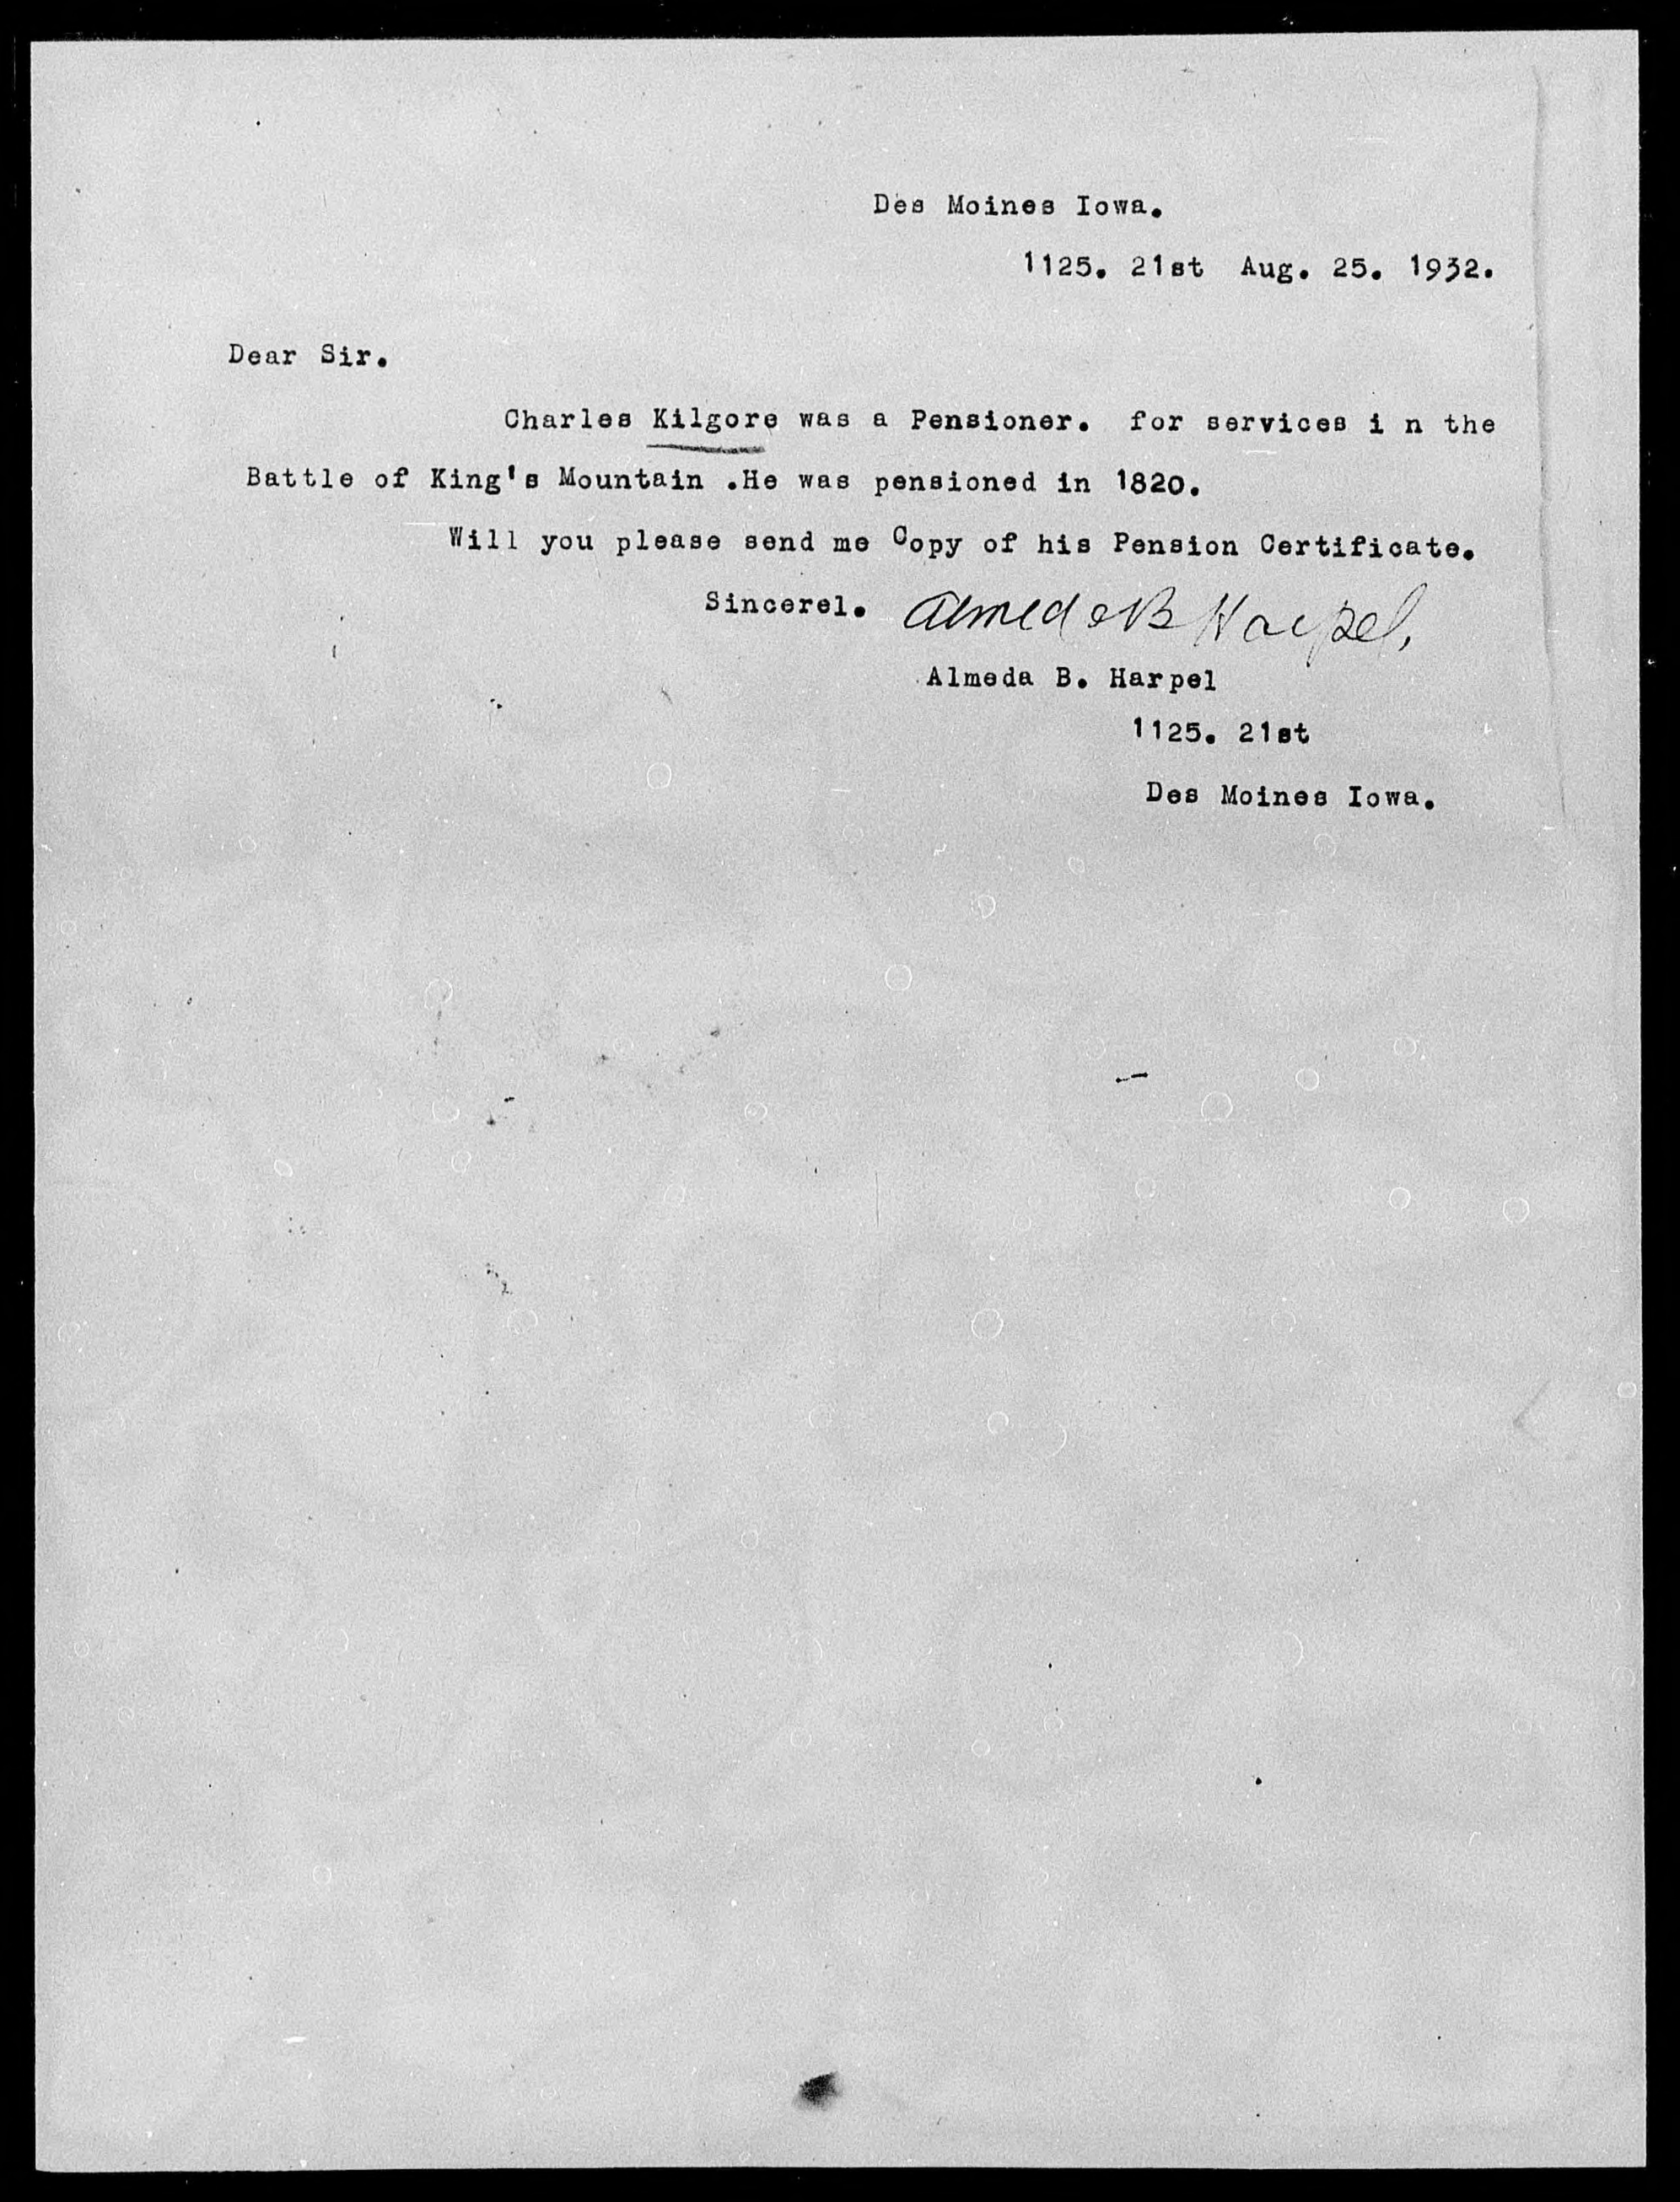Des Moines, Iowa,
1125, 21st Aug. 25, 1932.

Dear Sir.
Charles Kilgore was a Pensioner, for services i n the Battle of King's Mountain .He was pensioned in 1820.
Will you please send me copy of his Pension Certificate.
Sincerel.
Almeda B Harpel,
Almeda B. Harpel
1125. 21st
Des Moines, Iowa.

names: Charles Kilgore; Almeda B Harpel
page: 31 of 115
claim: survivor's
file: S. 699, for Charles Kilgore, Virginia